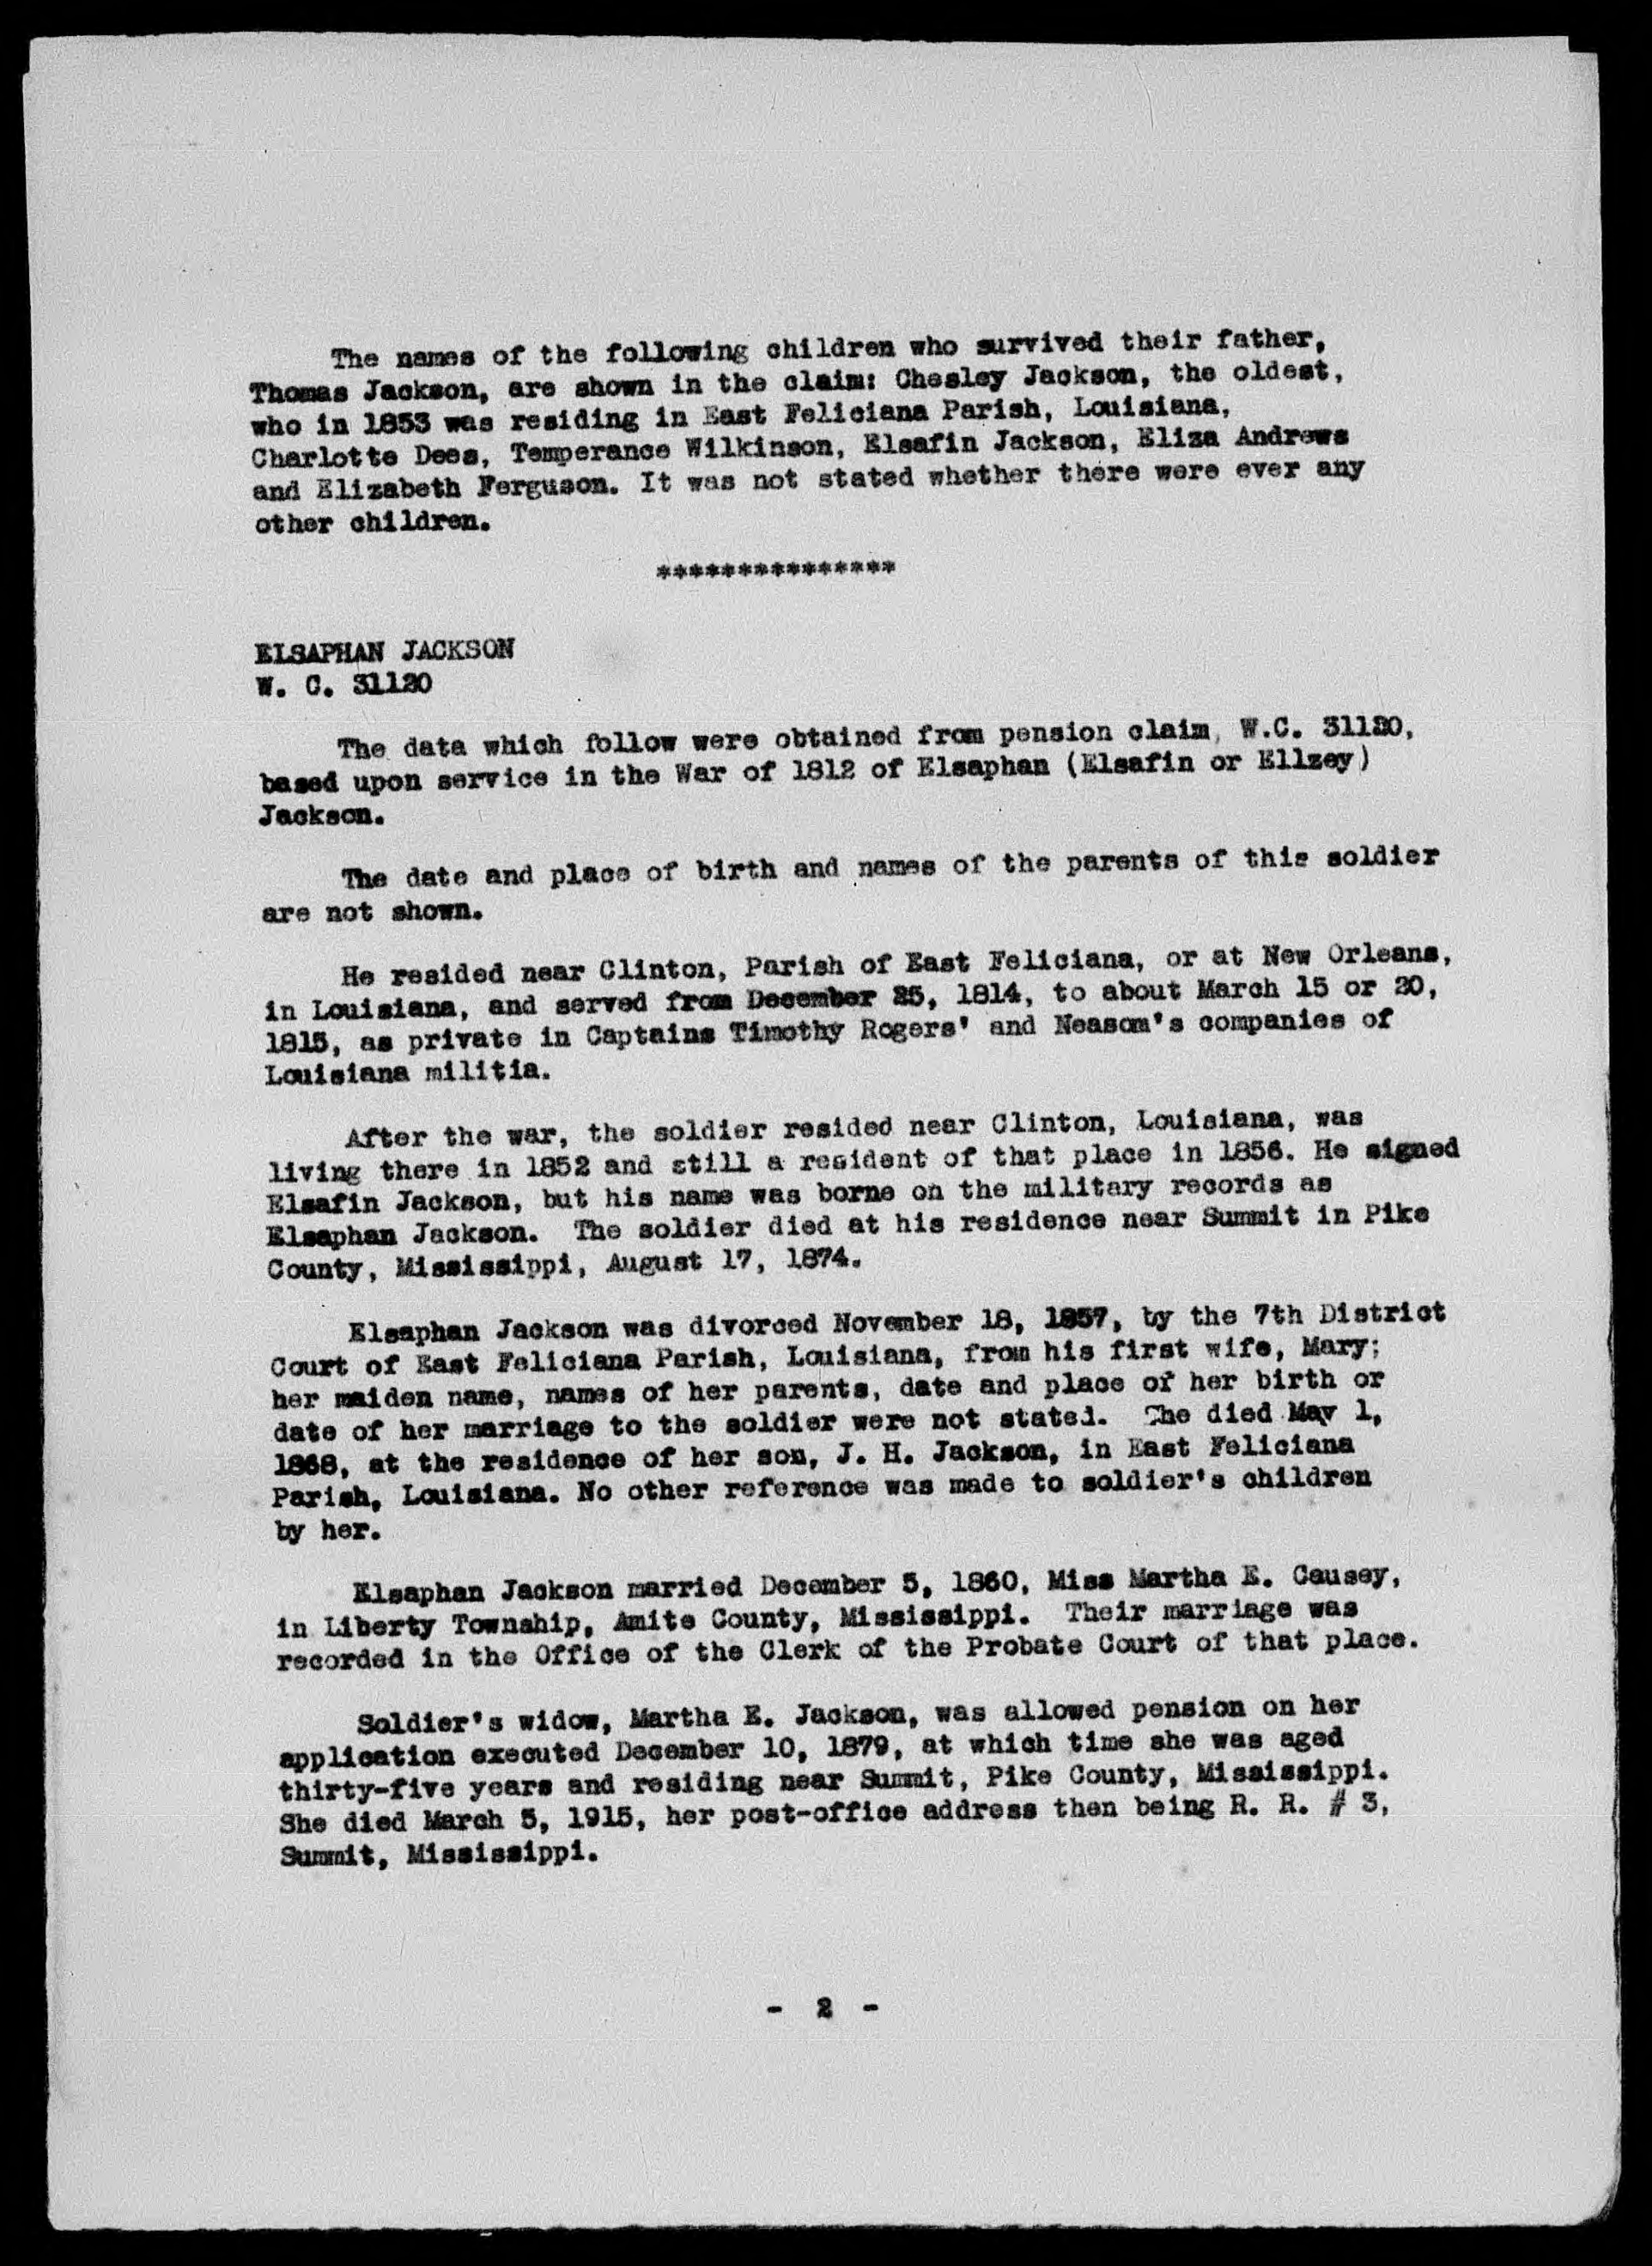The names of the following children who survived their father,
Thomas Jackson, are shown in the claim: Chesley Jackson, the oldest,
who in 1853 was residing in East Feliciana Parish, Louisiana,
Charlotte Dees, Temperance Wilkinson, Elsafin Jackson, Eliza Andrews
and Elizabeth Ferguson. It was not stated whether there were ever any
other children.

ELSAPHAN JACKSON
W. C. 31120
The data which follow were obtained from pension claim, W.C. 31120,
based upon service in the War of 1812 of Elsaphan (Elsafin or Ellzey)
Jackson.

The date and place of birth and names of the parents of this soldier
are not shown.

He resided near Clinton, Parish of East Feliciana, or at New Orleans,
in Louisiana, and served from December 25, 1814, to about March 15 or 20,
1815, as private in Captains Timothy Rogers' and Neasom's companies of
Louisiana militia.

After the war, the soldier resided near Clinton, Louisiana, was
living there in 1852 and still a resident of that place in 1856. He signed
Elsafin Jackson, but his name was borne on the military records as
Elsaphan Jackson. The soldier died at his residence near Summit in Pike
County, Mississippi, August 17, 1874.

Elsaphan Jackson was divorced November 18, 1857, by the 7th District
Court of East Feliciana Parish, Louisiana, from his first wife, Mary;
her maiden name, names of her parents, date and place of her birth or
date of her marriage to the soldier were not stated. She died May 1,
1838, at the residence of her son, J. H. Jackson, in East Feliciana
Parish, Louisiana. No other reference was made to soldier's children
by her.

Elsaphan Jackson married December 5, 1860, Miss Martha E. Causey,
in Liberty Township, Amite County, Mississippi. Their marriage was
recorded in the Office of the Clerk of the Probate Court of that place.

Soldier's widow, Martha E. Jackson, was allowed pension on her
application executed December 10, 1879, at which time she was aged
thirty-five years and residing near Summit, Pike County, Mississippi
She died March 5, 1915, her post-office address then being R.R. #3,
Summit, Mississippi.
-- 2 -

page: 50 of 54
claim: survivor's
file: S. 31166, for Thomas Jackson, South Carolina